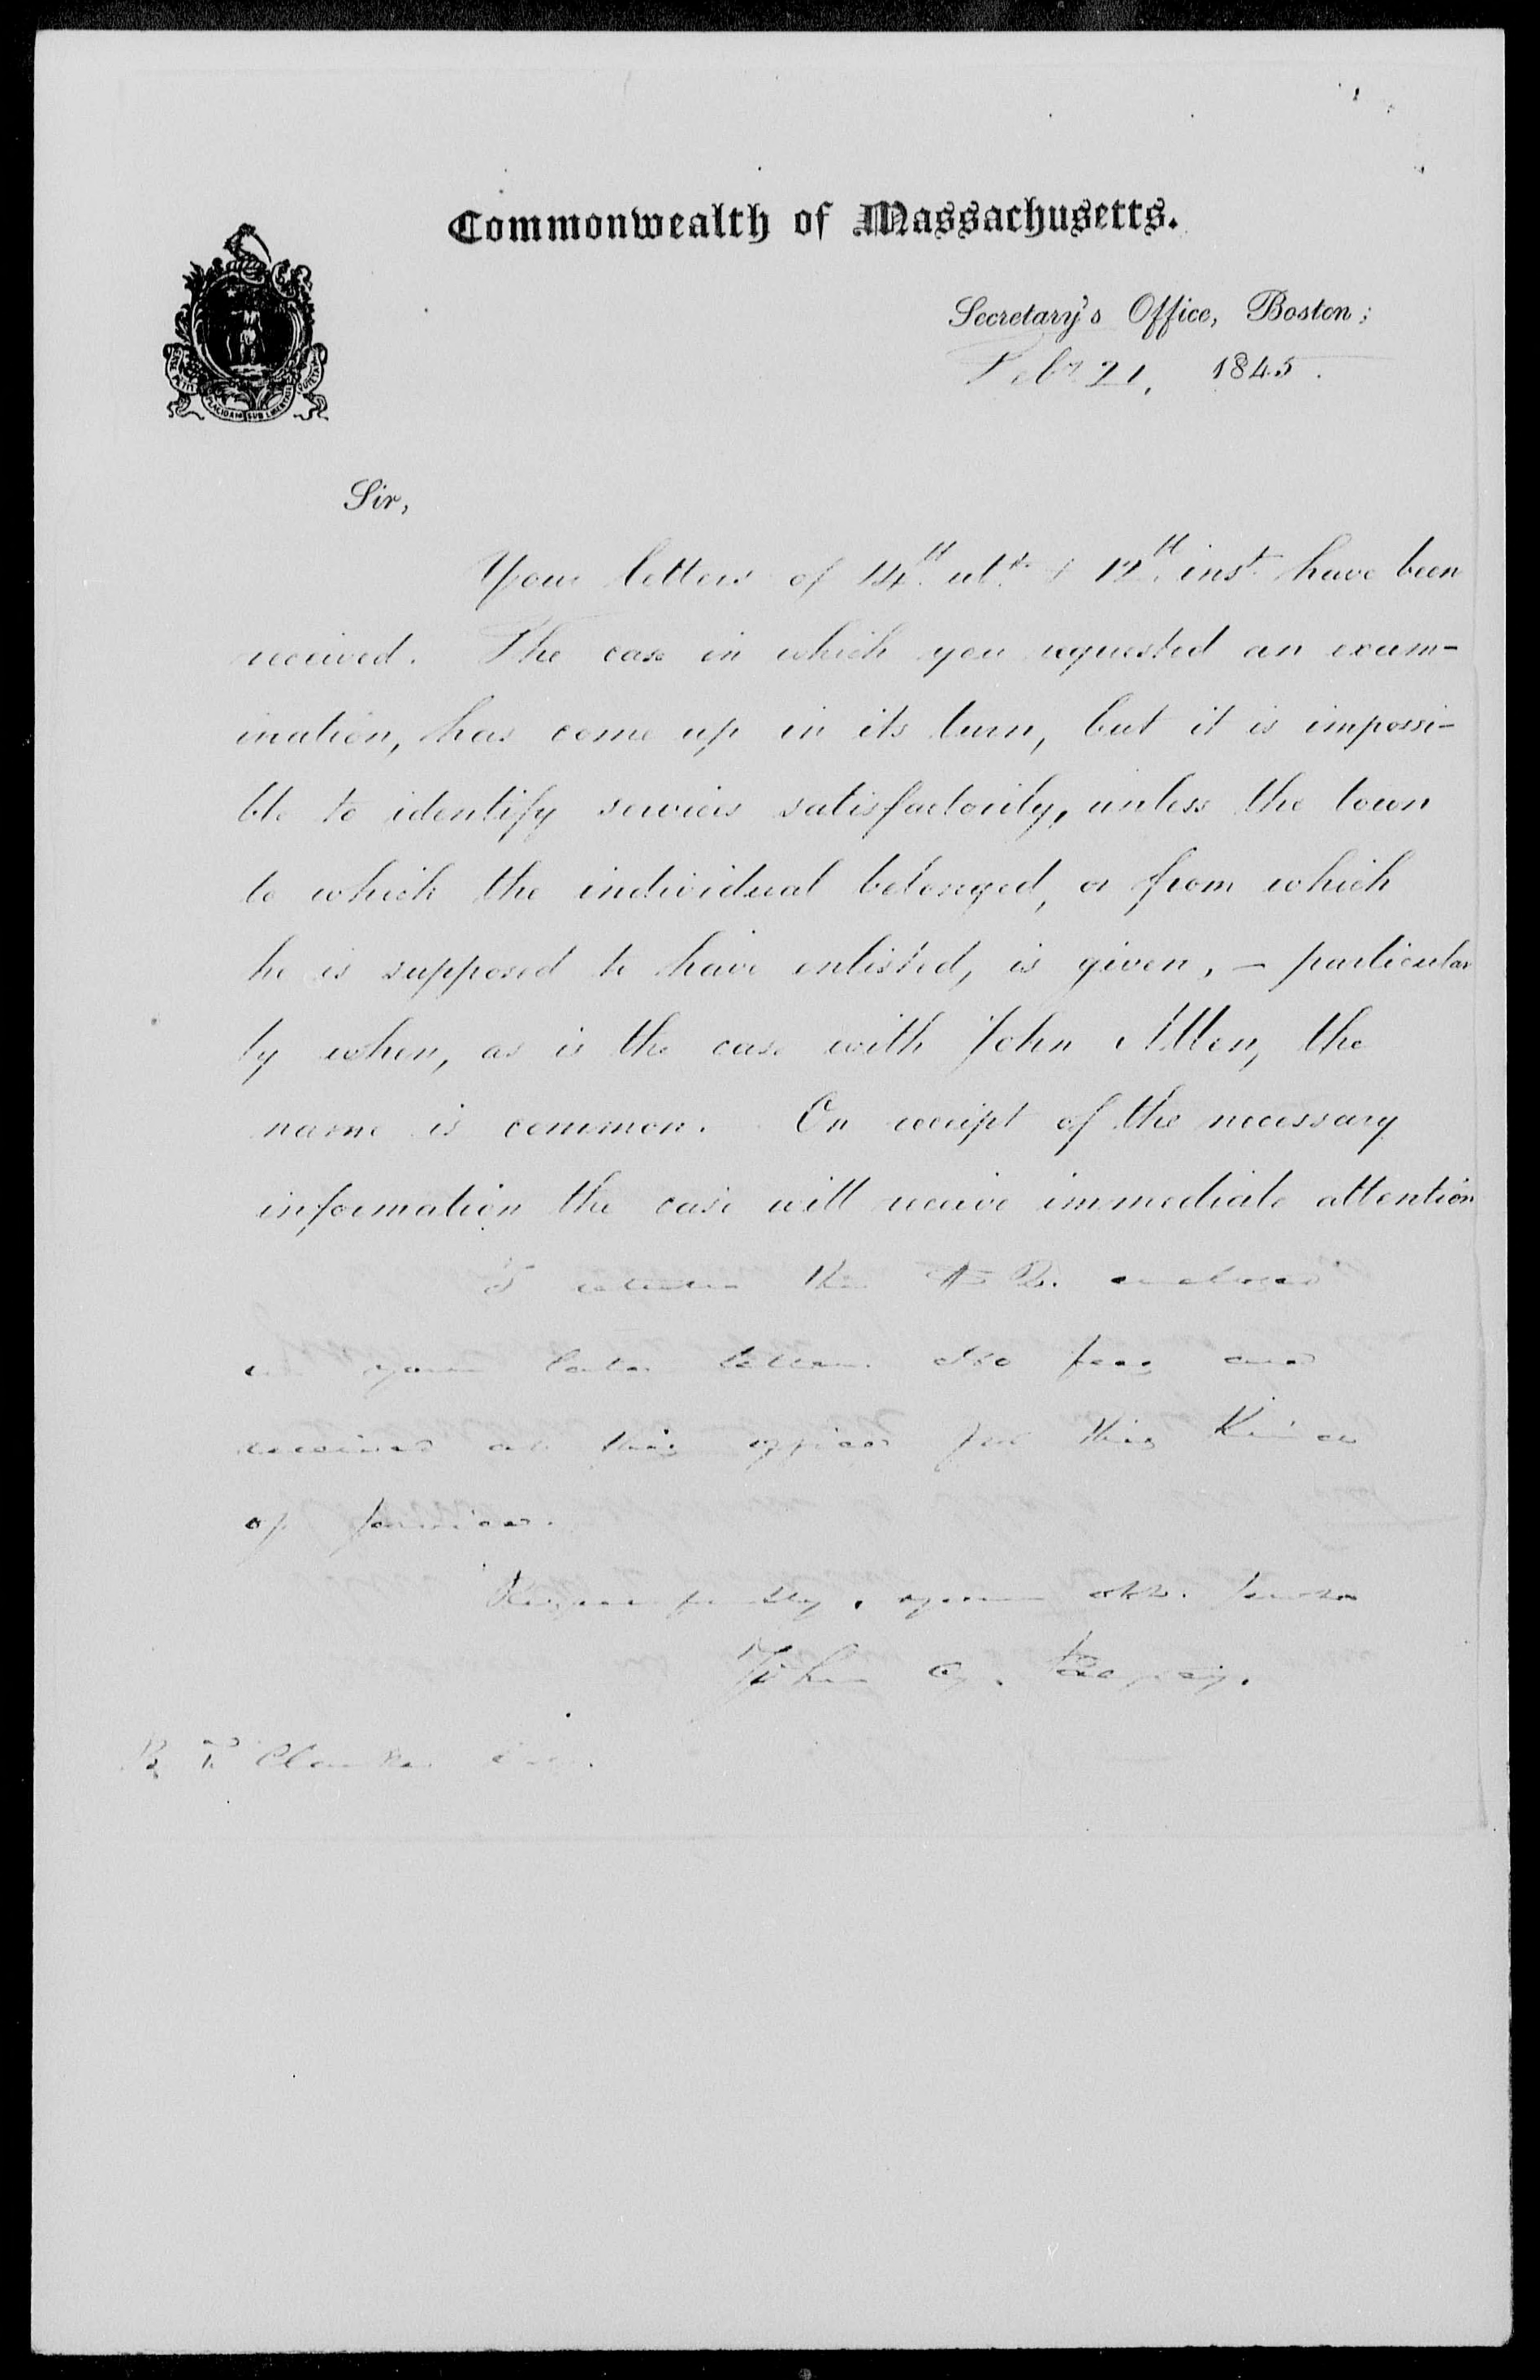Commonwealth of Massachusetts. 
Secretary's Office, Boston; 
Febr 21, 1845  
Sir, 
Your letters of 14th ult. & 12th inst. have been received. The case in which you requested an examination has come up in its turn, but it is impossible to identify services satisfactorily, unless the town to which the individual belonged, or from which he is supposed to have enlisted is given, particularily when, as is the case with John Allen, the name is common. On receipt of the necessary information the case will receive immediate attention. 
I return the $ [illegible] enclosed in your last letter. No fees are received at this office for this kind of service.
Respectfully your Obt Servant
John G. Palfrey.
B. T. Clarke [illegible]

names: B T Clarke, John G Paisley, John Allen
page: 51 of 74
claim: widow's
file: W. 23424, John Allen, Mass. R. I.